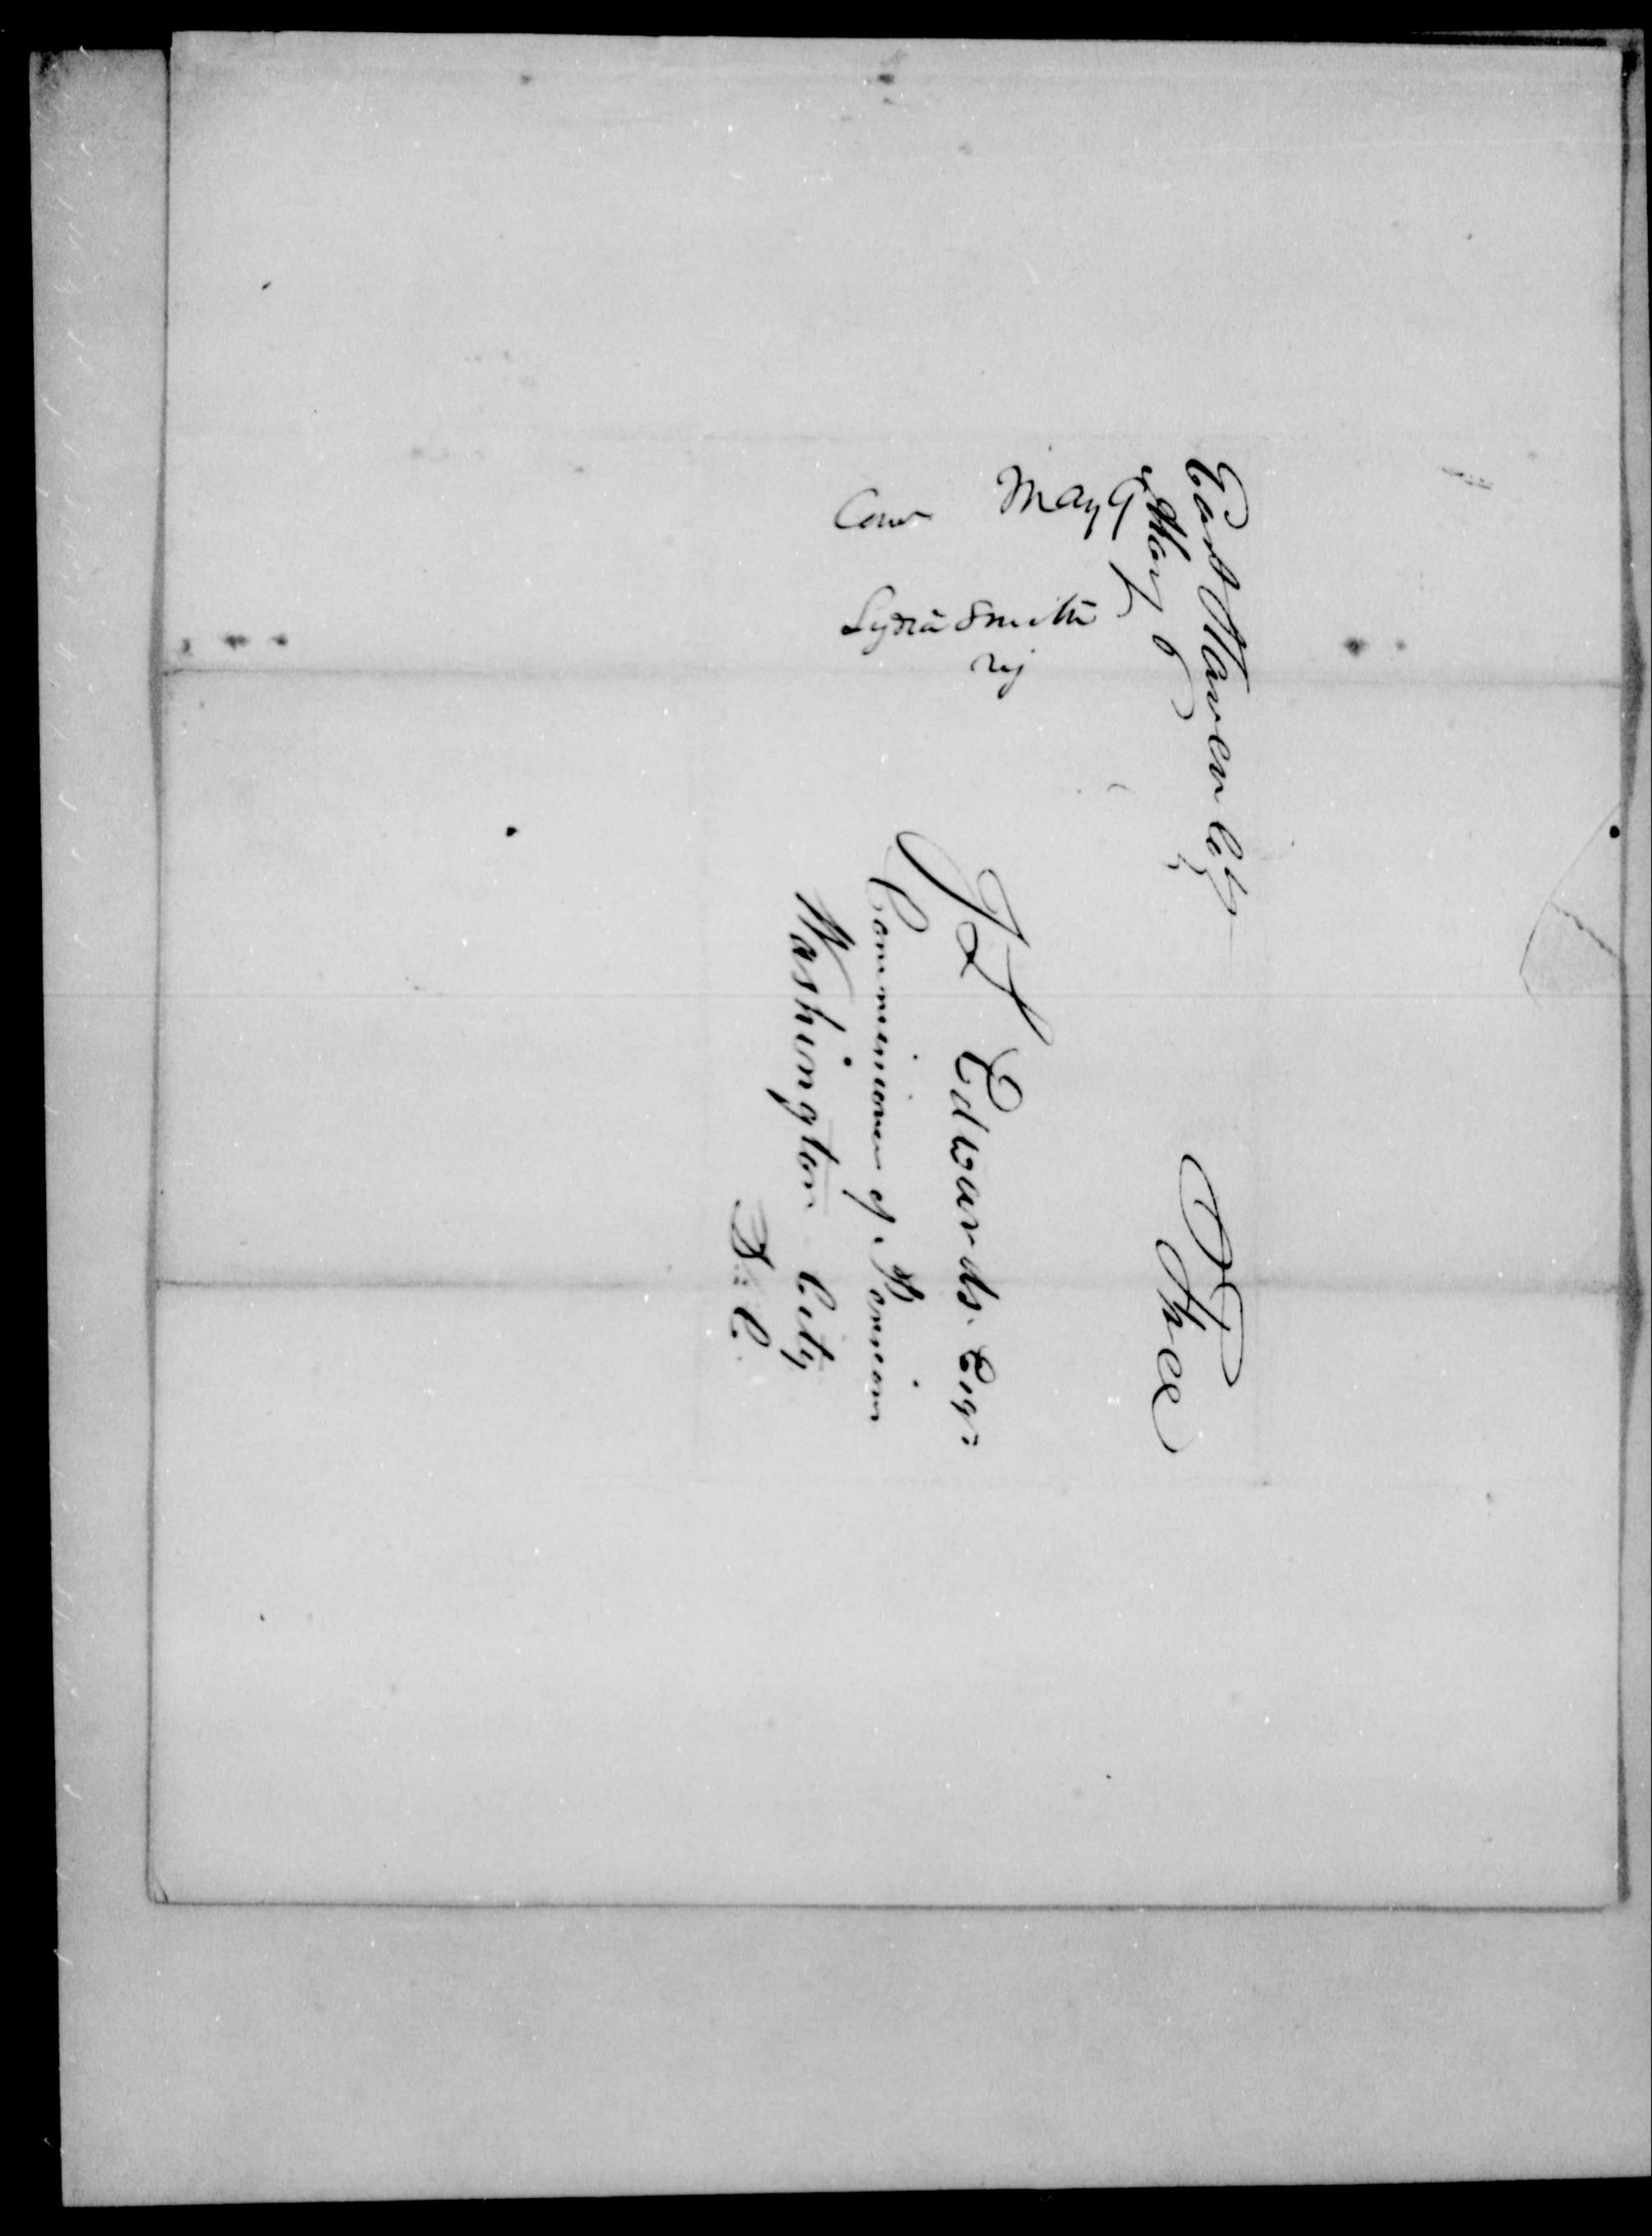Free

J. L. Edwards Esq
Commissioner of Pensions
Washington City, D. C.

East Haven CT
May 6

Conn May 9
Lydia Smith
rej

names: Lydia Smith; J L Edwards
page: 15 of 19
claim: rejected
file: R 9792, for Benjamin Smith, Connecticut